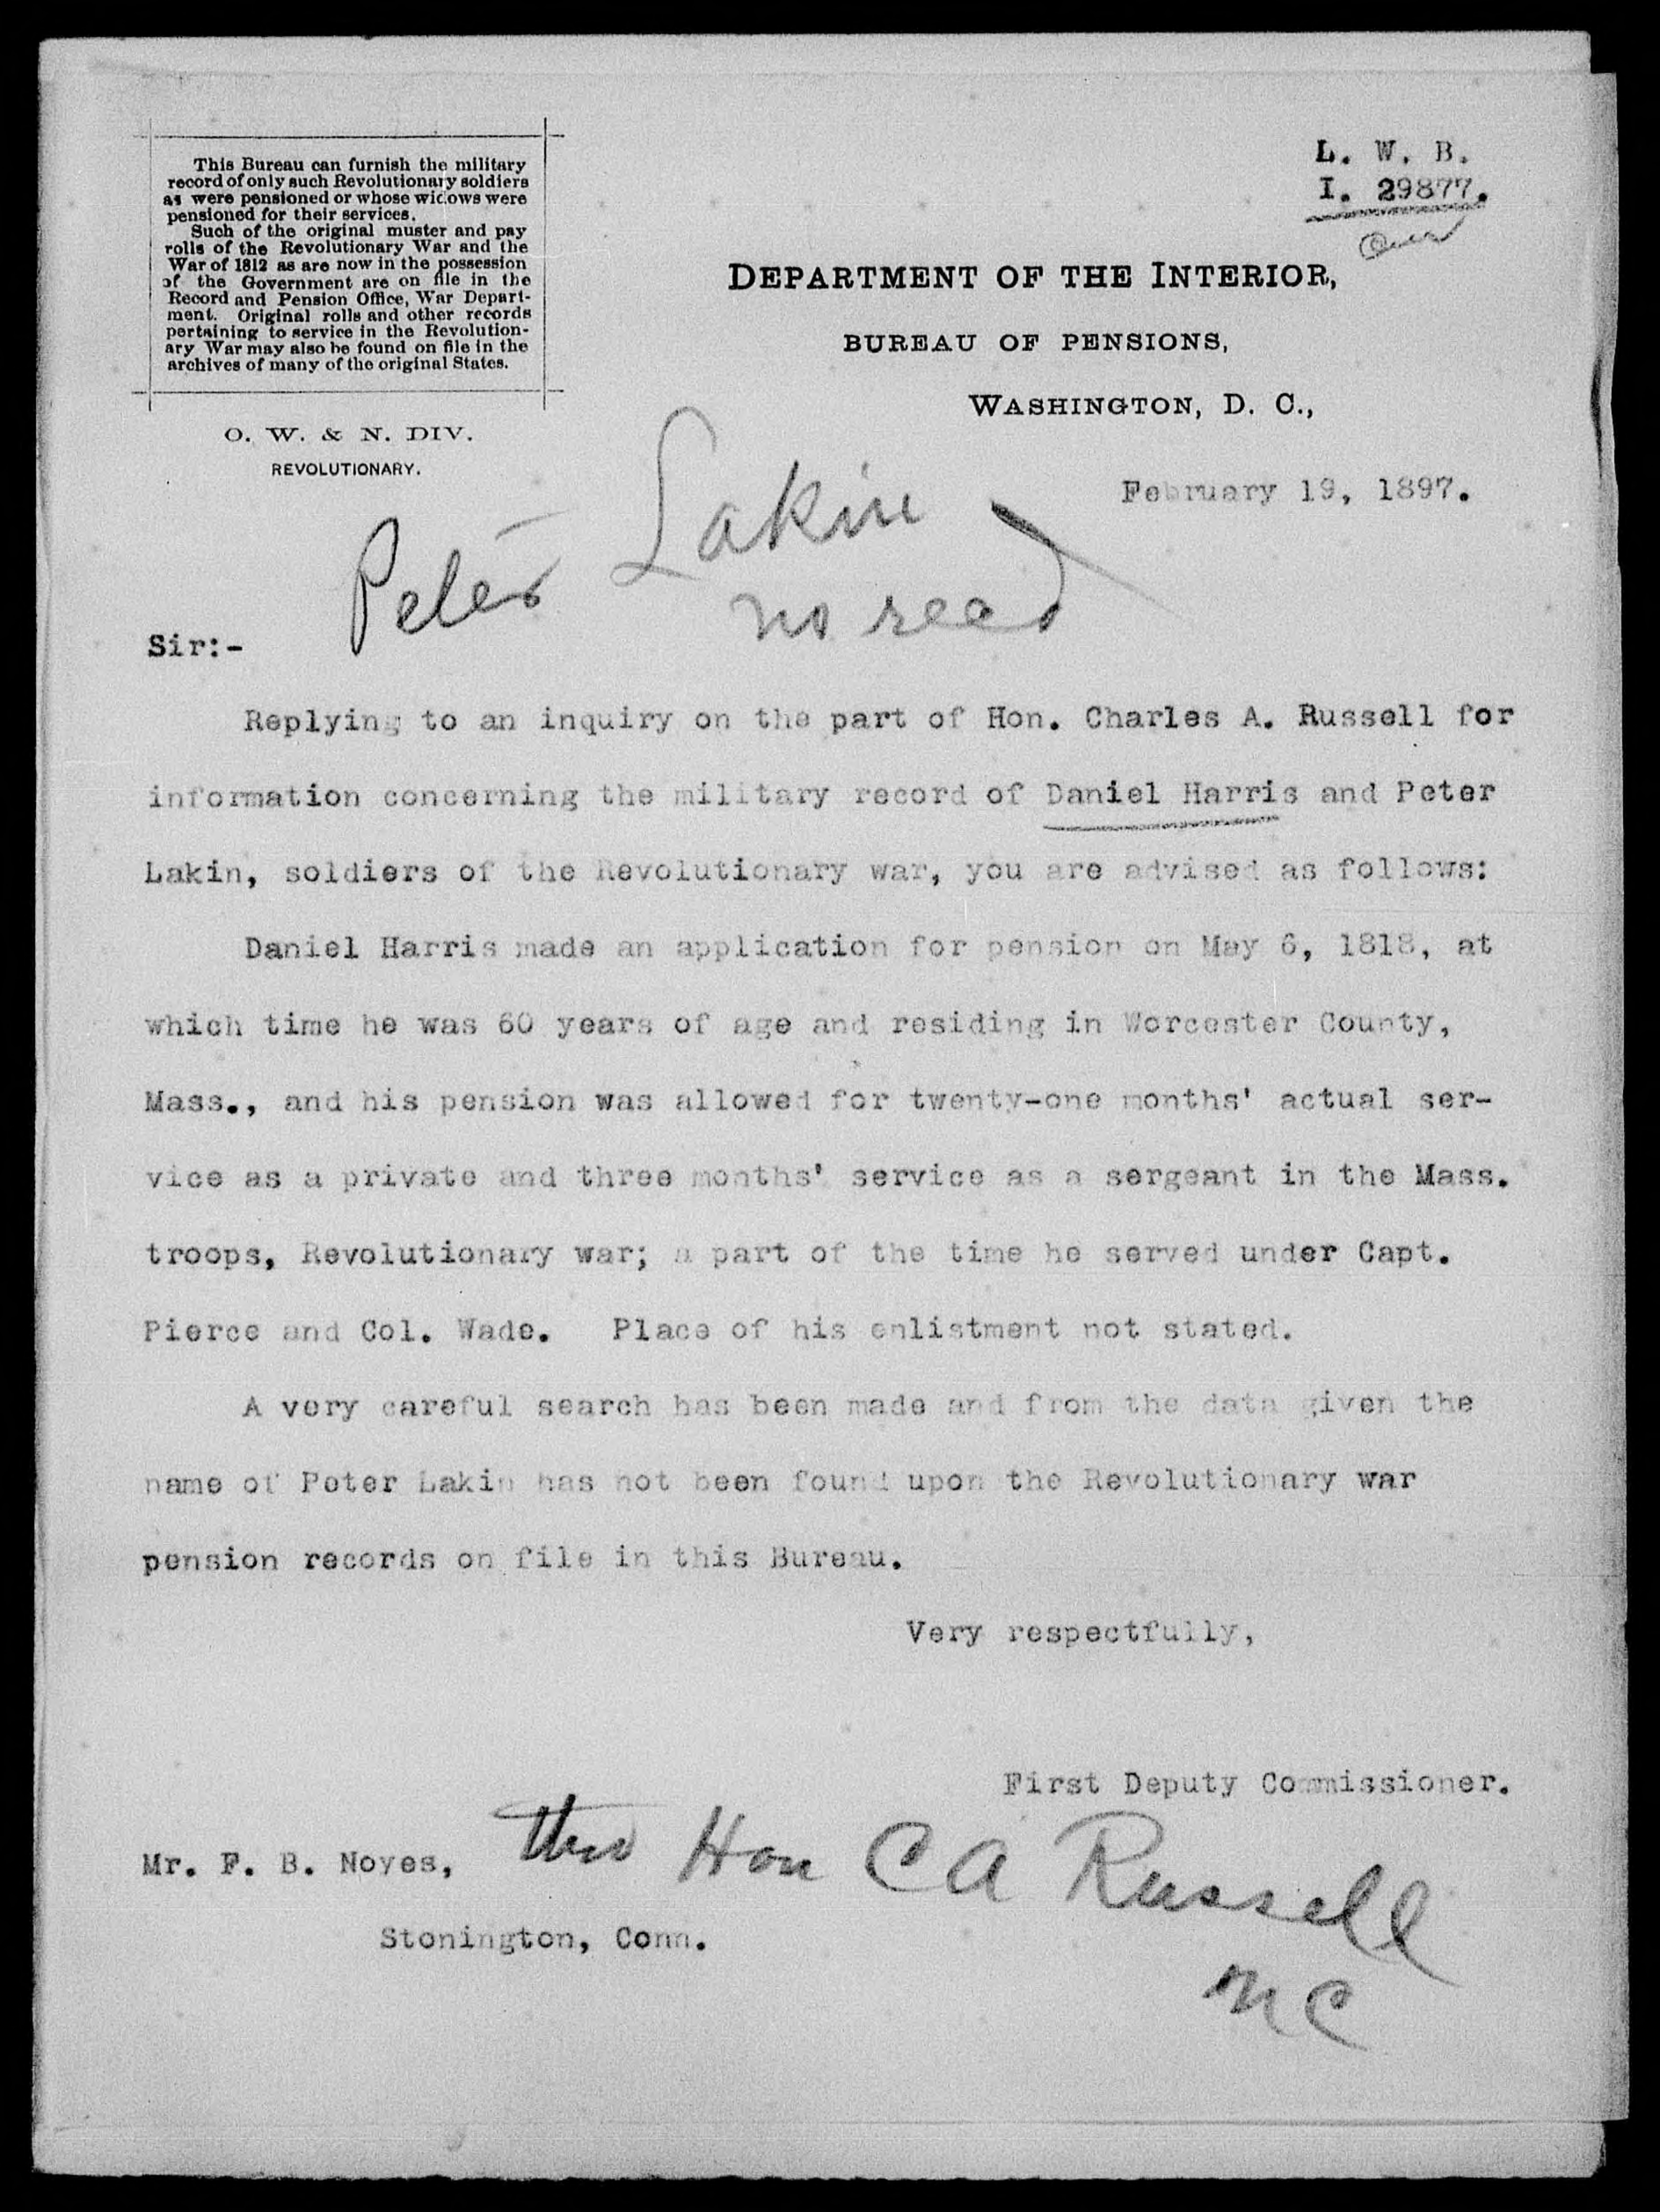This Bureau can furnish the military
record of only such Revolutionary soldiers
as were pensioned or whose widows were
pensioned for their services.

Such of the original muster and pay rolls of the Revolutionary War and the War of 1812 as are now in the possession of the Government are on file in the Record and Pension Office, War Department. Original rolls and other records pertaining to service in the Revolutionary War may also be found on file in the archives of many of the original States.

O. W. & N. DIV.
REVOLUTIONARY

L. W. B.
I. 29877

DEPARTMENT OF THE INTERIOR,
BUREAU OF PENSIONS,
WASHINGTON, D. C.,
February 19, 1897.

Sir:- Peter Lakin no read

Replying to an inquiry on the part of Hon. Charles A. Russell for information concerning the military record of Daniel Harris and Peter Lakin, soldiers of the Revolutionary war, you are advised as follows:

Daniel Harris made an application for pension on May 6, 1818, at which time he was 60 years of age and residing in Worcester County, Mass., and his pension was allowed for twenty-one months' actual service as a private and three months' service as a sergeant in the Mass. troops, Revolutionary war; a part of the time he served under Capt. Pierce and Col. Wade. Place of his enlistment not stated.

A very careful search has been made and from the data given the name of Peter Lakin has not been found upon the Revolutionary war pension records on file in this Bureau.

Very respectfully,
First Deputy Commissioner
Mr. F. B. Noyes, the Hon CA Russell MC
Stonington, Conn.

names: C A Russell, Wade, Peter Lakin, Charles A Russell, Peter Lakin, F B Noyes, Pierce, Peter Lakin, Daniel Harris, Daniel Harris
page: 7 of 68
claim: survivor's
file: S. 29,877, Daniel Harris, Mass.